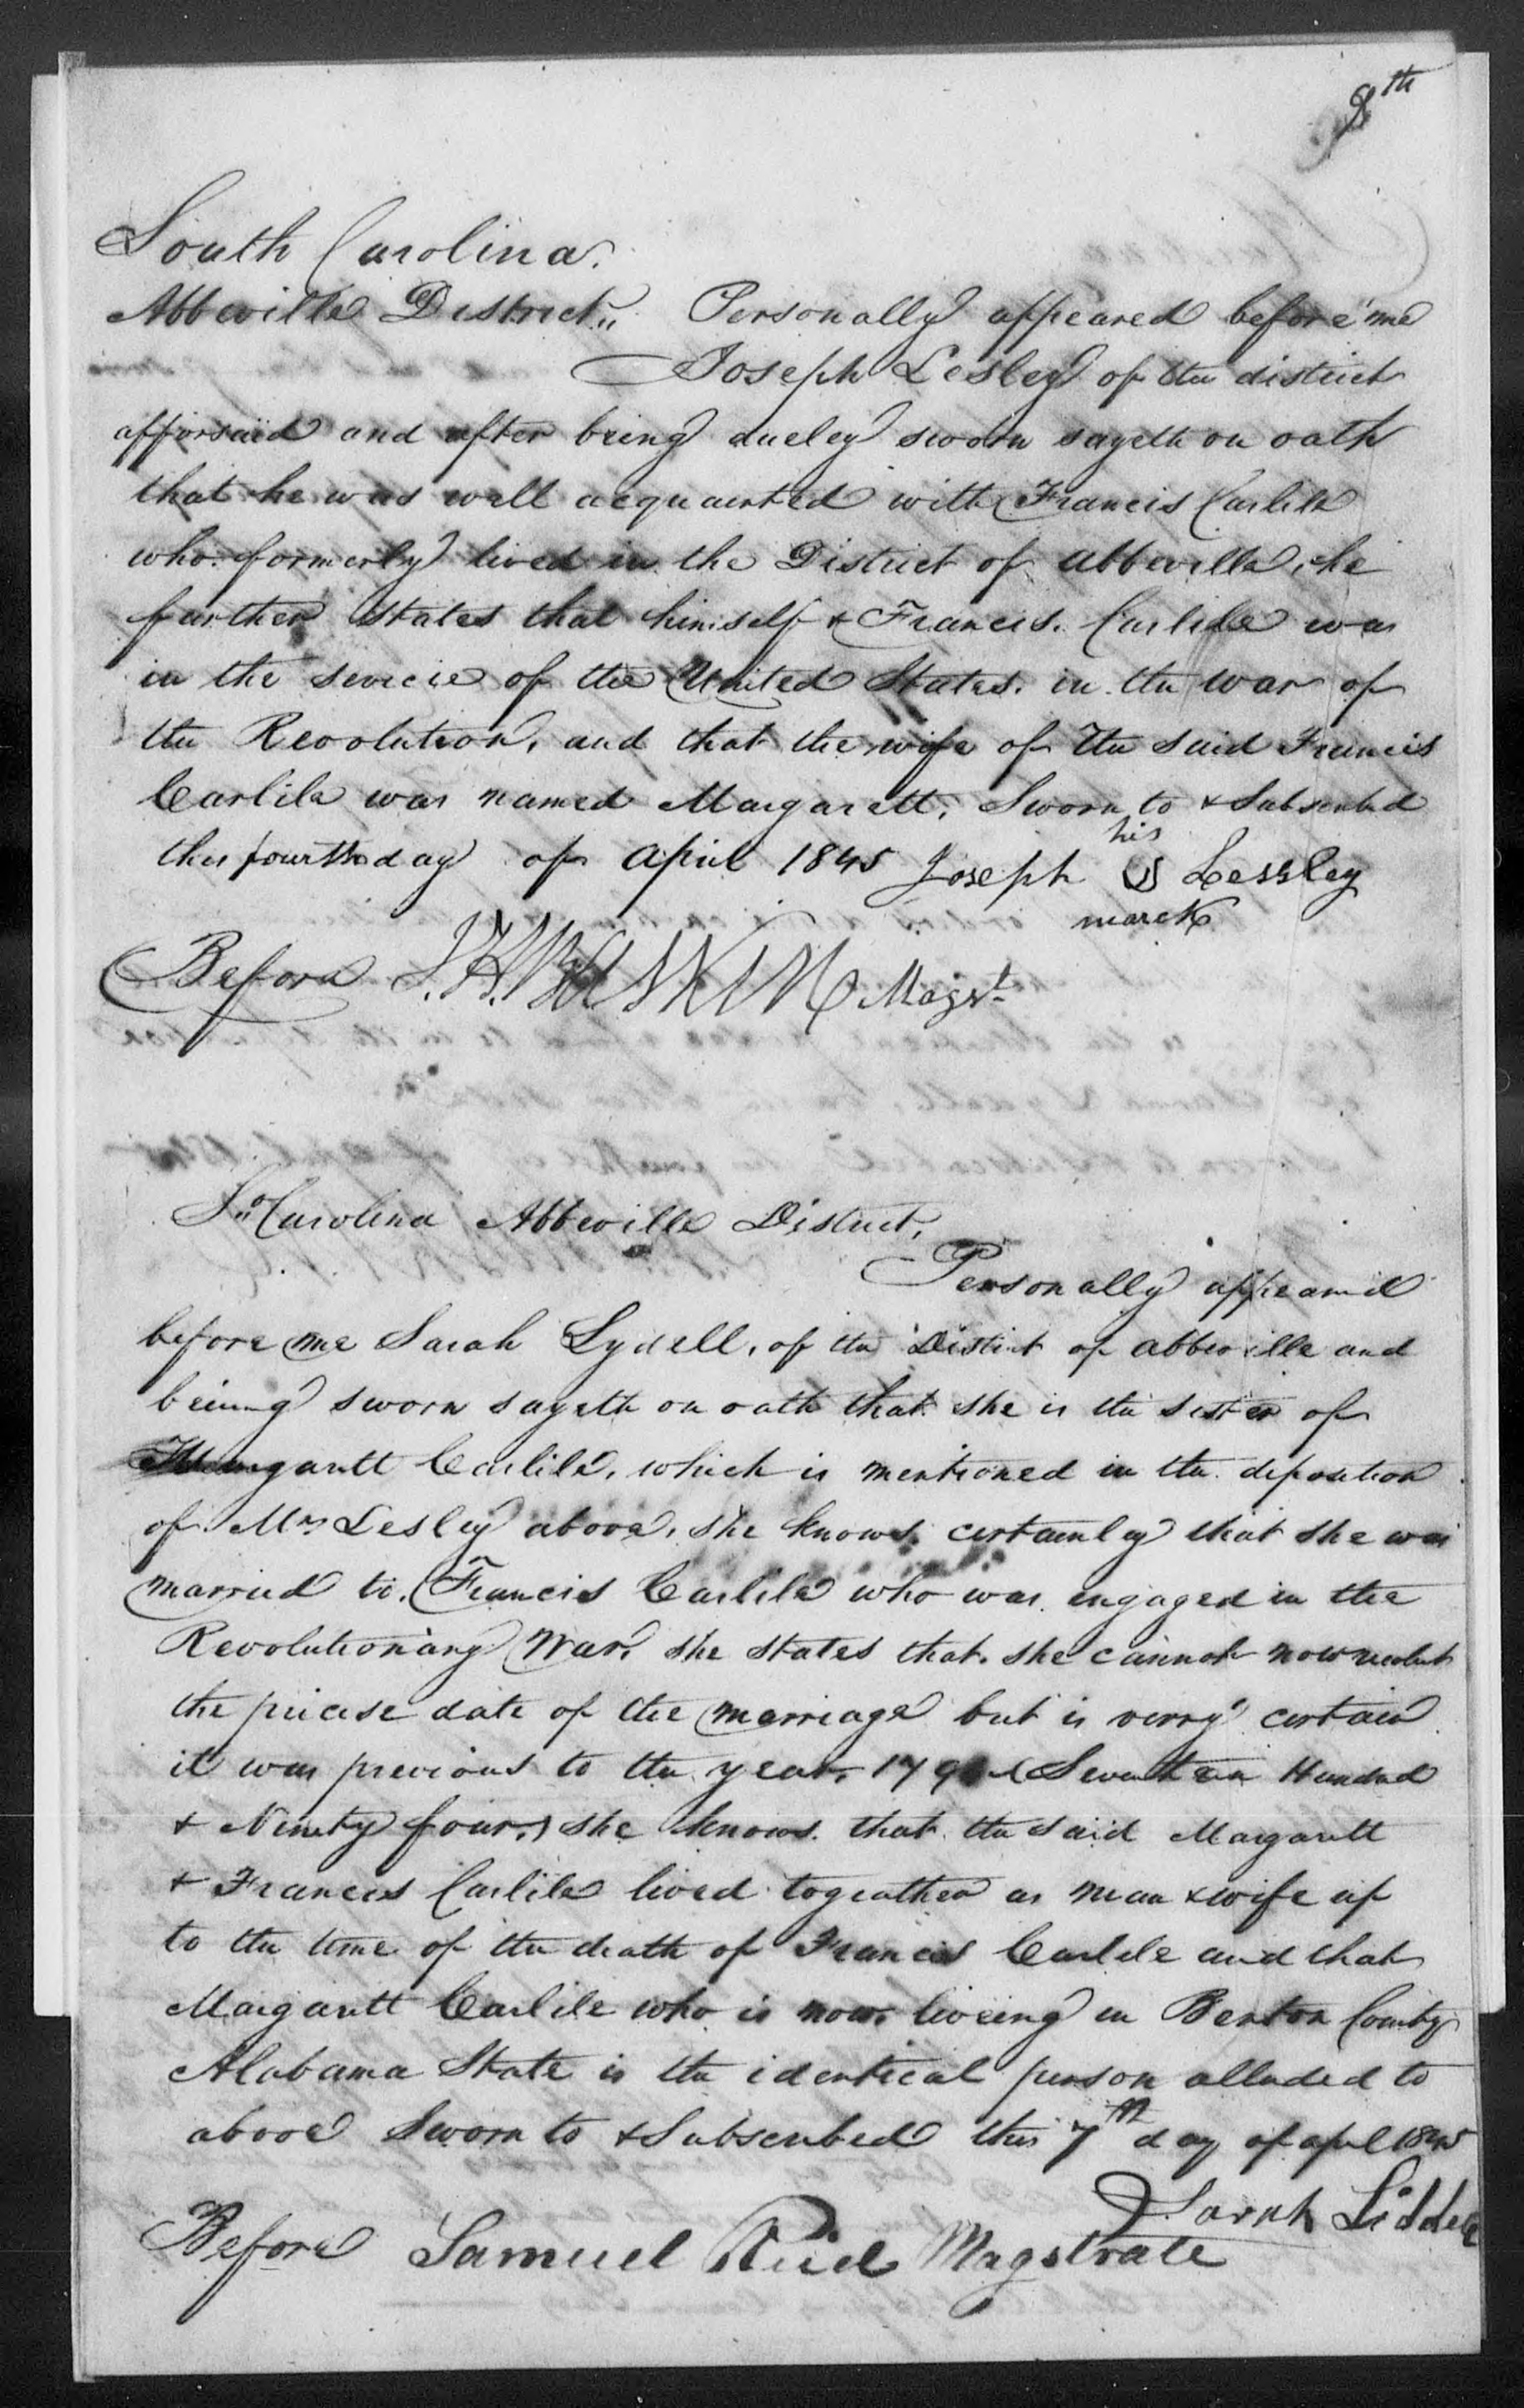South Carolina.
Abbeville District   8th
Personally appeared before me Joseph Lesley of the district aforesaid and after being duly sworn sayeth on oath that he was well acquainted with Francis Carlisle who formerly lived in the District of Abbeville, he further states that himself & Francis Carlisle was in the service of the United States in the war of the Revolution, and that the wife of the said Francis Carlisle was named Margaret, Sworn to & Subscribed his this fourth day of April 1845 
[signed] Joseph Lesley
Before J H Baskin Magistrate

So. Carolina Abbeville District,
Personally appeared before me Sarah Lydell, of the District of Abbeville and being sworn sayeth on oath that she is the sister of Margaret Carlisle, which is mentioned in the deposition of Mr Lesley above, she knows certainly that she was married to Francis Carlisle who was engaged in the
Revolutionary war she states that she cannot now recollect the precise date of the marriage but is very certain it was previous to the year 1794 Seventeen Hundred Ninety four, she knows that the said Margaret & Francis Carlisle lived together as man & wife up to the time of the death of Francis Carlisle and that Margaret Carlisle who is now living in Benton County Alabama State is the identical person alluded to above Sworn to & Subscribed this 7th day of April 1845
[signed] Sarah Lydell
Before Samuel Reid Magistrate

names: Frances Carlile, Margarett Carlile, Margarett Carlile, Francis Carlile, Francis Carlile, Francis Carlile, Margarett Sworn, Joseph Lesley, Francis Carlile, Sarah Liddell, Margarett Carlile, Francis Carlile, Samuel Reid, Joseph Lessley, Lesley, J H Baskin, Sarah Lydell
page: 49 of 91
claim: widow's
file: W. 10576, Francis Carlisle, S.C.